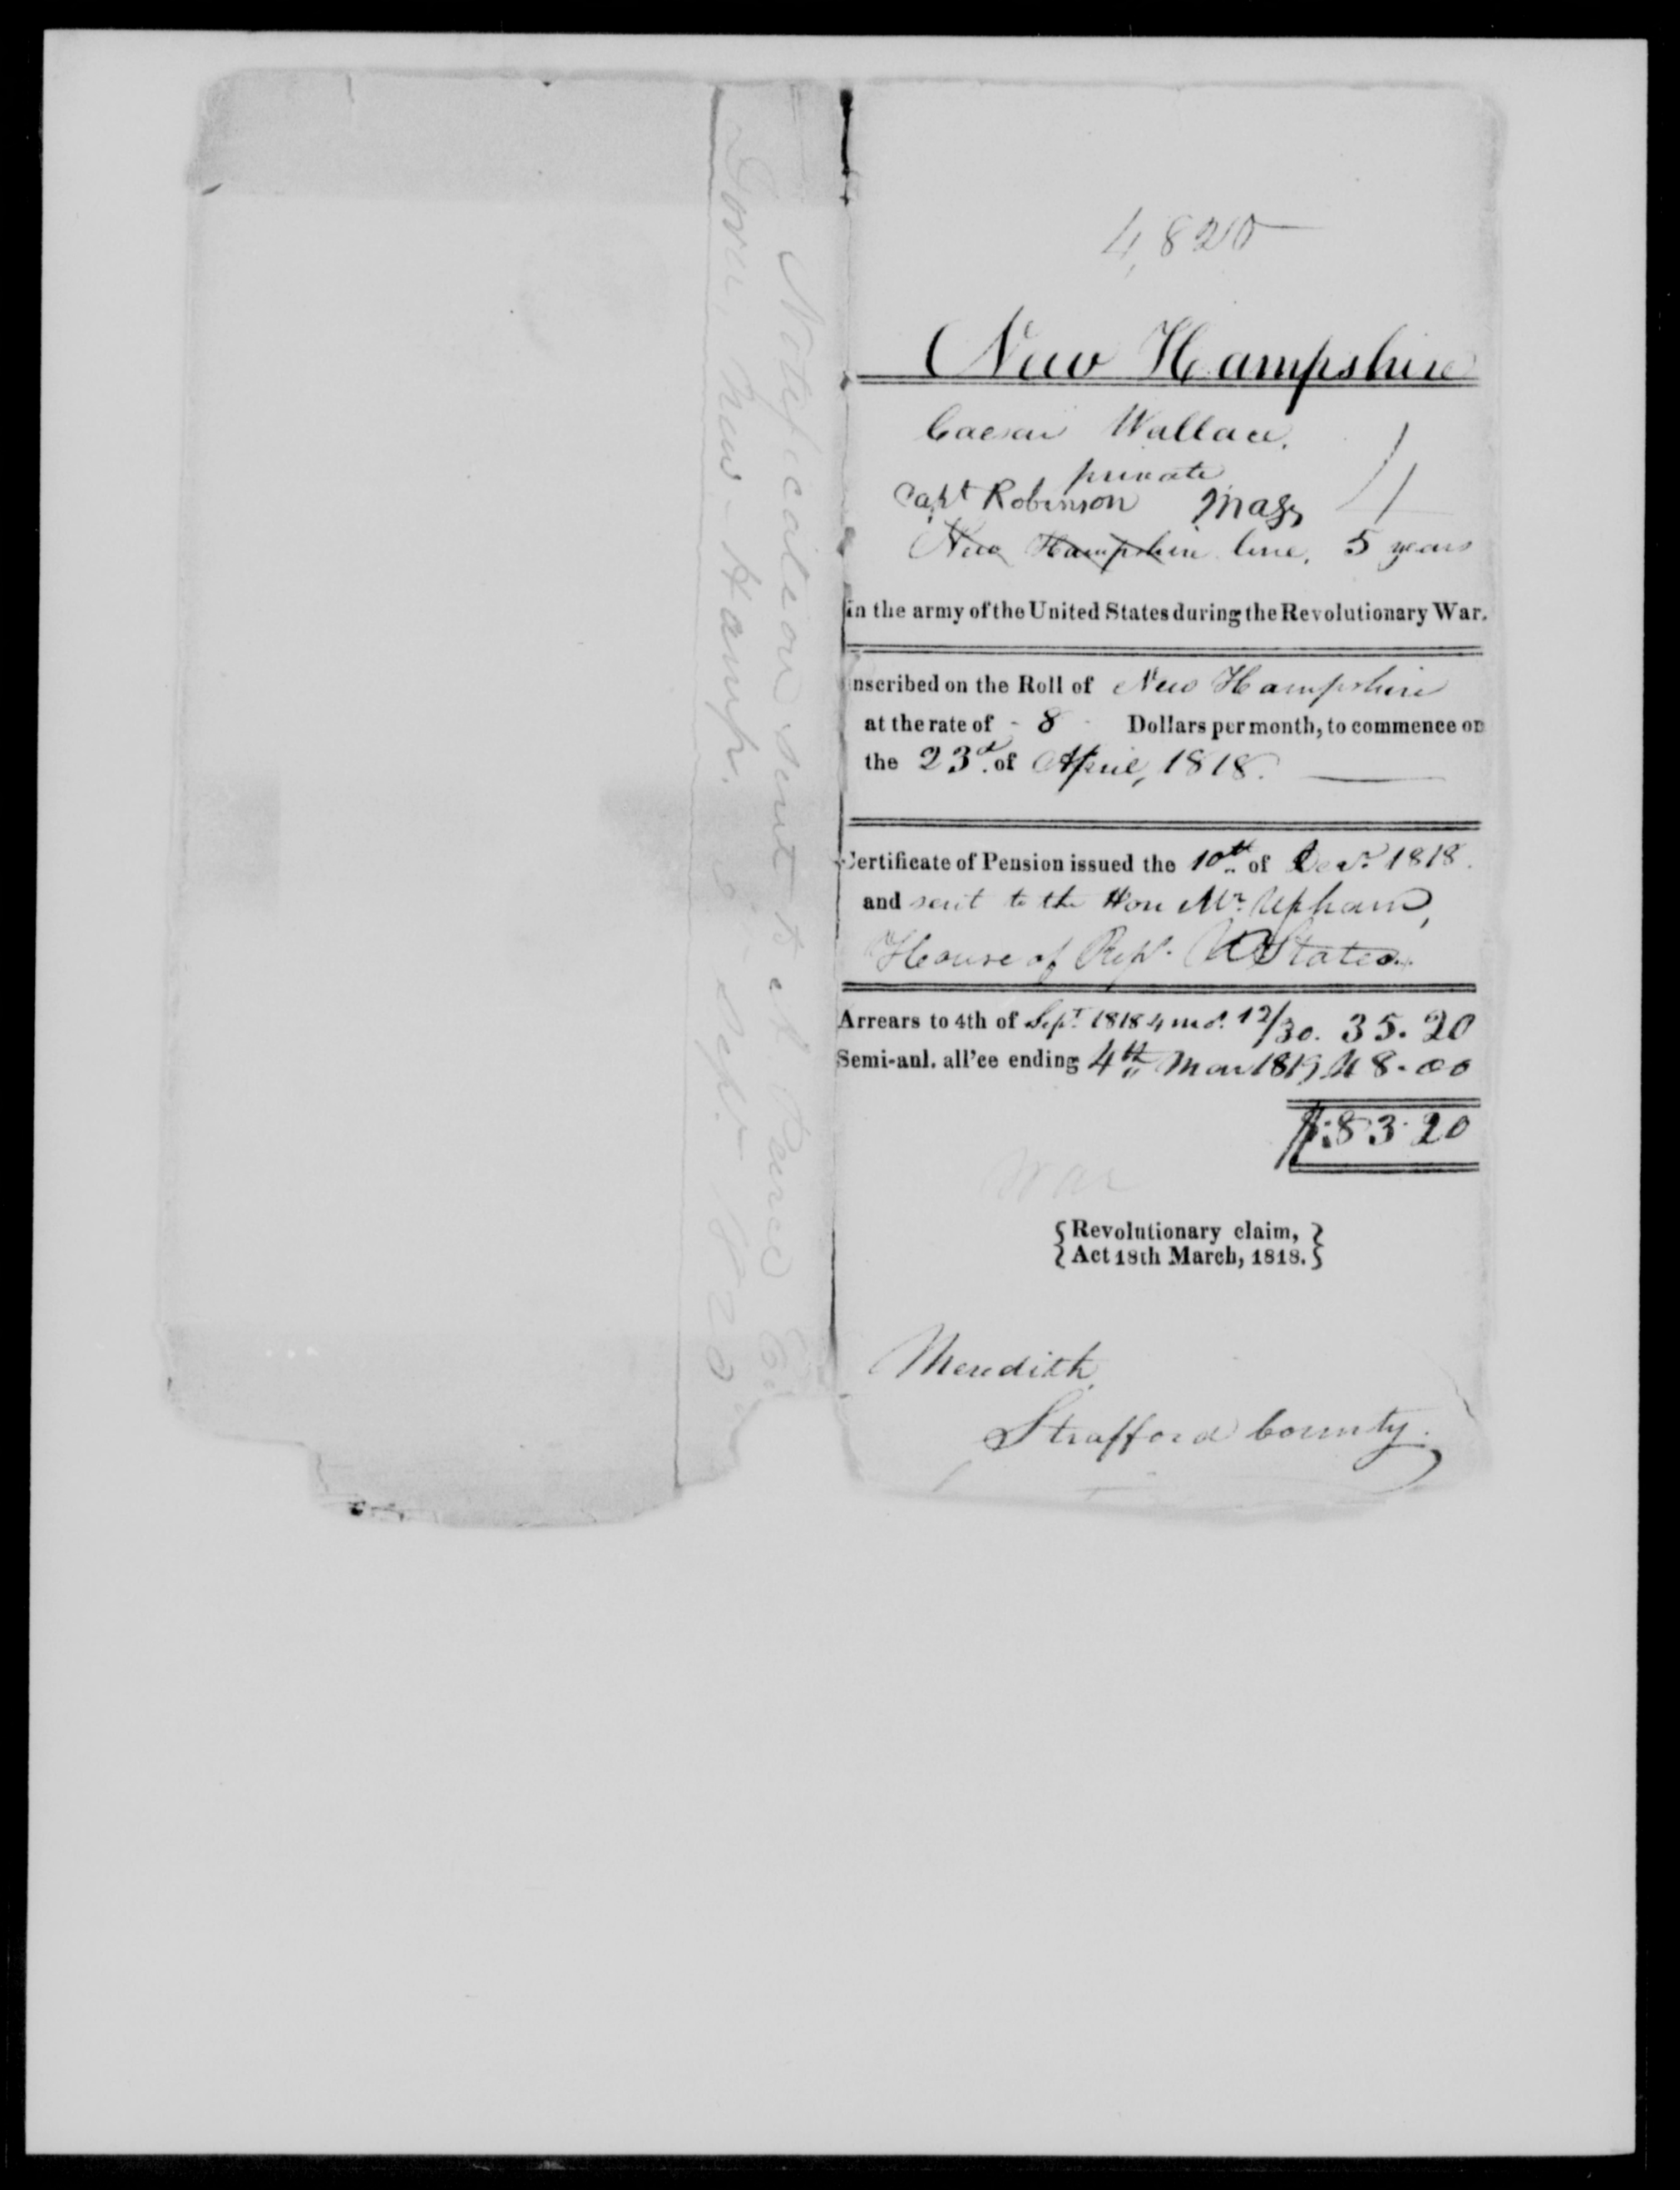4,820

New Hampshire
Caesar Wallace, private

Capt [Captain] Robinson 
Mass [crossed out: New Hampshire] line, 5 years

in the army of the United States during the Revolutionary War.

Inscribed on the Roll of New Hampshire at the rate of 8 Dollars per month, to commence on the 23d. of April, 1818.

Certificate of Pension issued the 10th of Decr 1818 and sent to the Hon [Honorable] Mr. Upham, House of Reps. [Representatives] U States.

Arrears to 4th of Sept. [September] 1818 4 mos. [months] 12/30. | 35.20
Semi-anl. all'ce [semiannual allowance] ending 4th Mar [March] 1819 | 48.0
 | $:83.20

{Revolutionary claim, Act 19th March, 1818.}

Meredith, Strafford County


Notification sent to A. Peirce E.
Dover, New Hamp 9 Sept. 1820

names: A Peirce, Robinson, Upham, Caesar Wallace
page: 2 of 9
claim: survivor's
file: S. 43,250, Caesar Wallace, N.H.